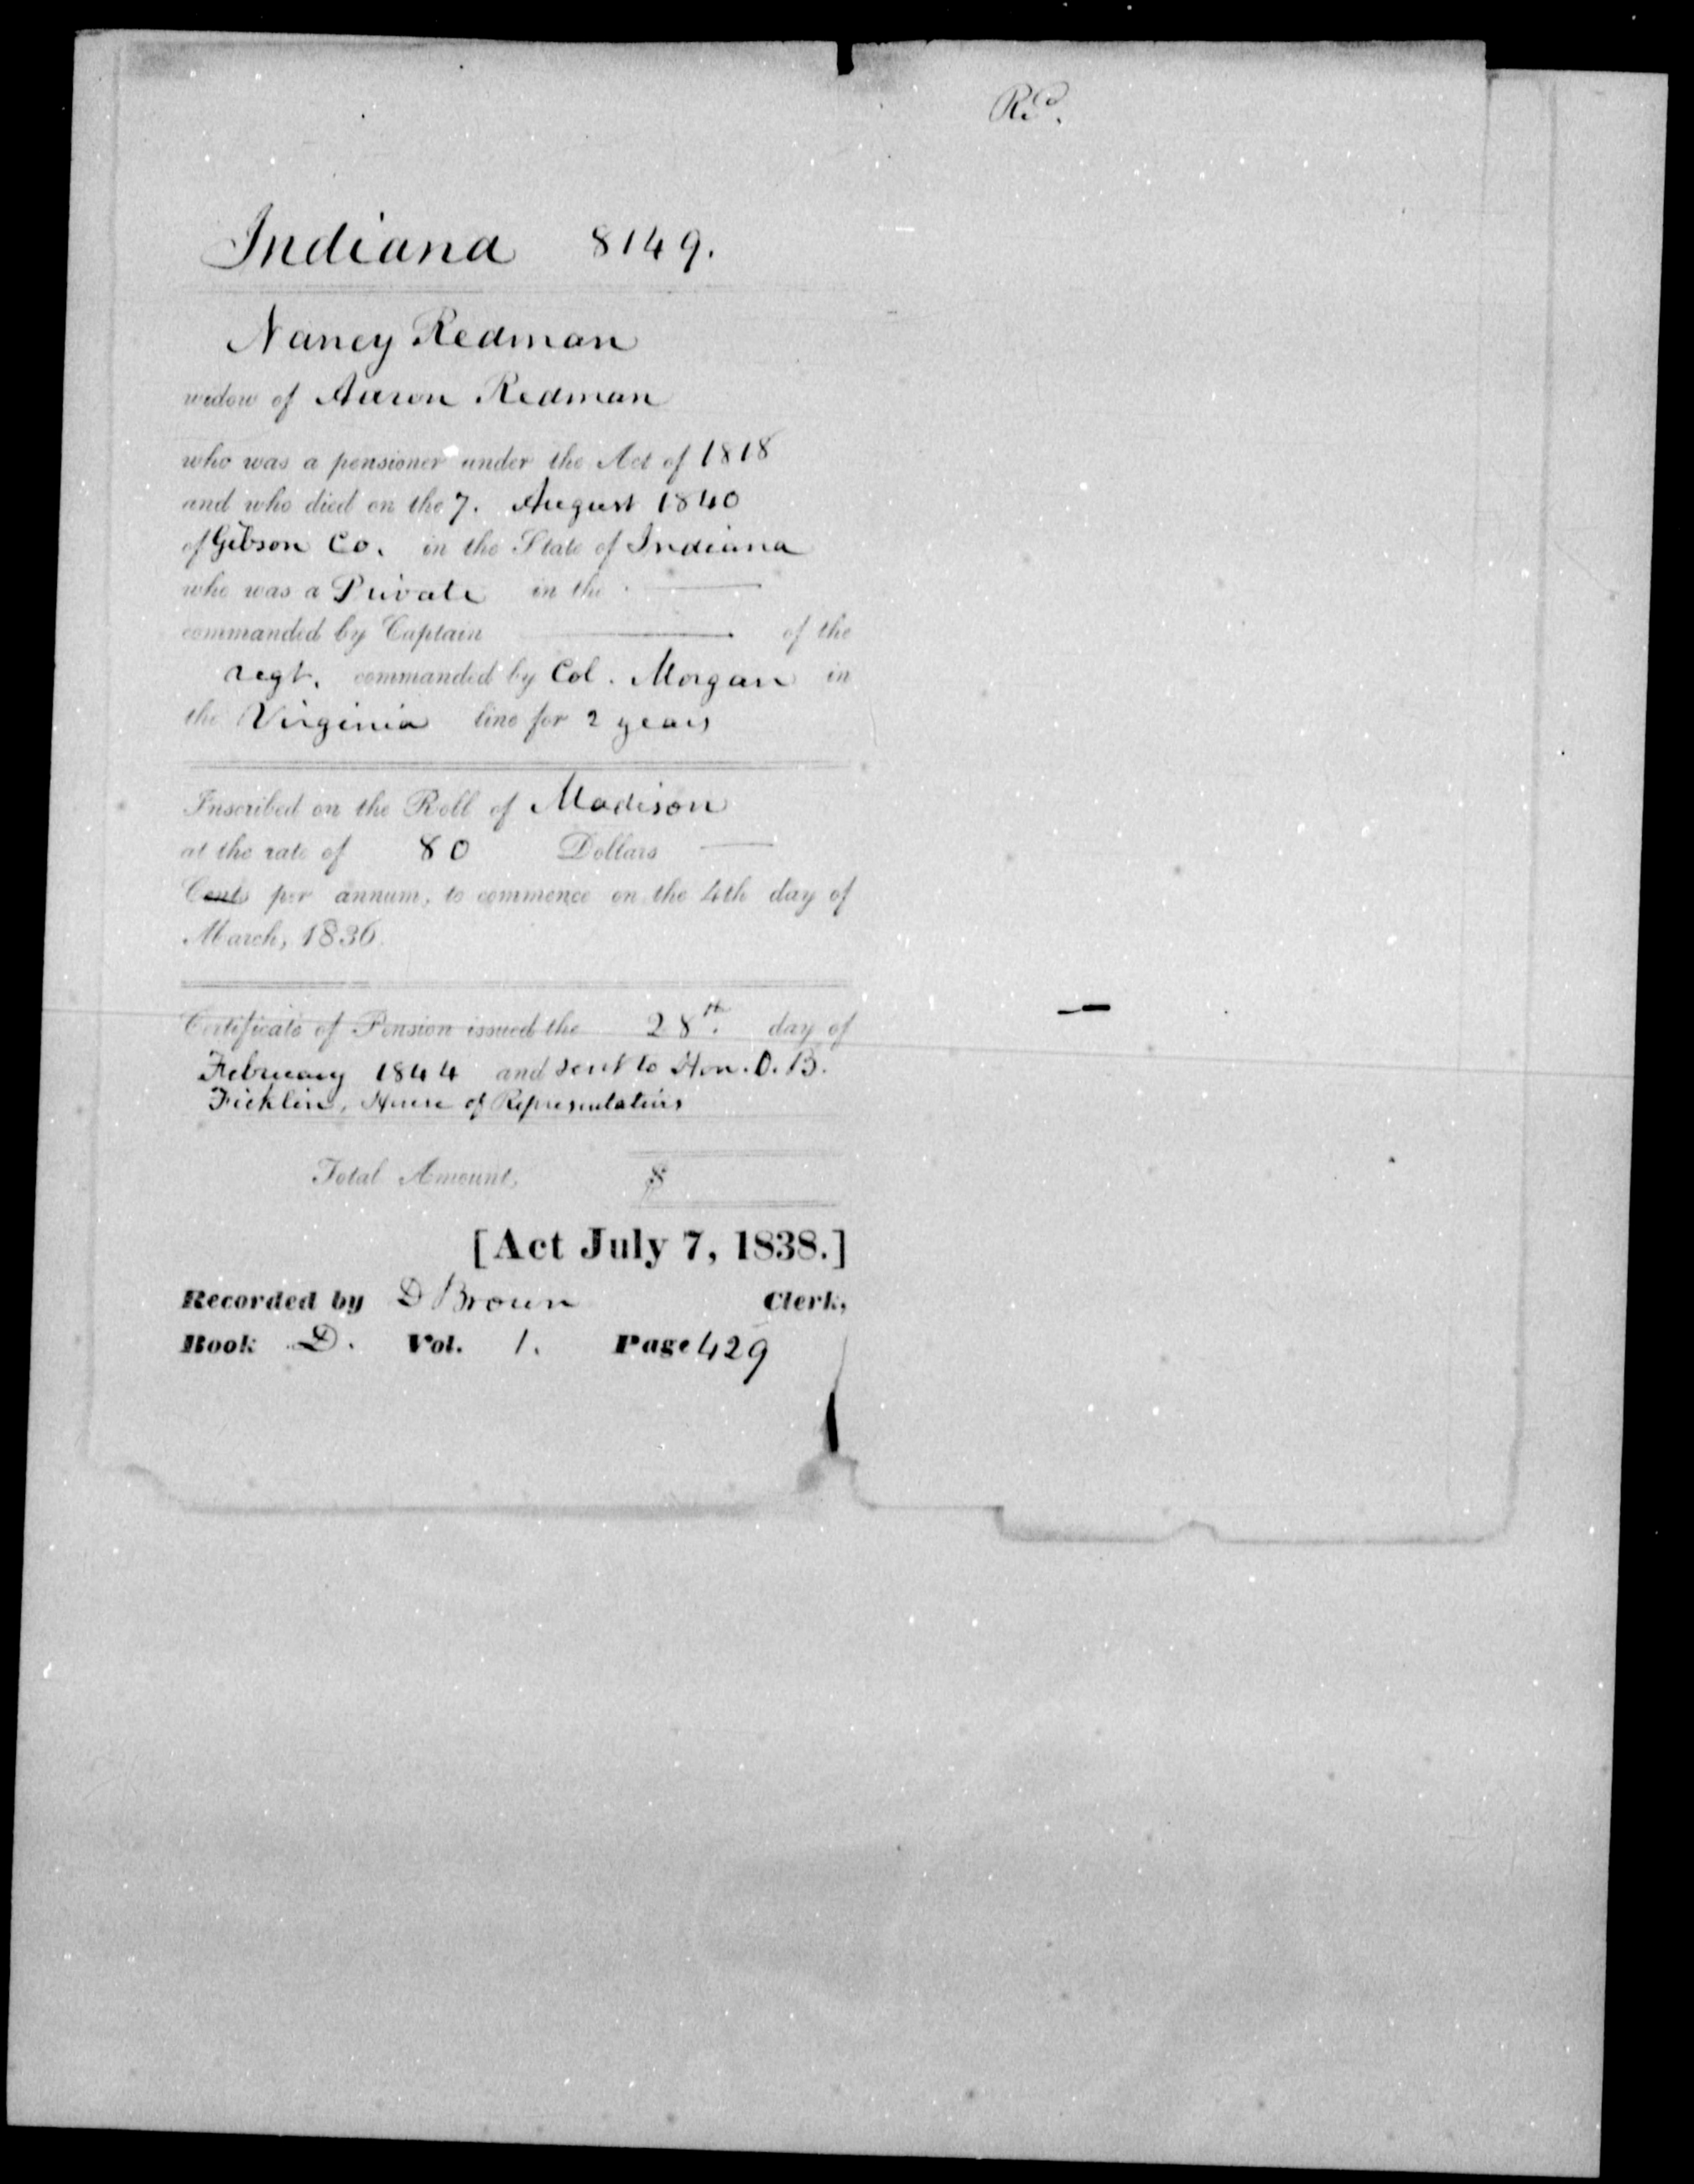Recd.
Indiana 8149.
Nancy Redman
widow of Aaron Redman
who was a pensioner under the Act of 1818
and who died on the 7. August 1840
of Gibson Co. in the State of Indiana
who was a Private in the - commanded by Captain - of the regt. commanded by Col. Morgan in the Virginia line for 2 years
Inscribed on the Roll of Madison at the rate of 80 Dollars - per annum, to commence on the 4th day of March, 1836.
Certificate of Pension issued the 28th day of February 1844 and sent to Hon. D. B. Ficklin, House of Representatives
Total Amount, $
Act Juy 7, 1838.
Recorded by D Brown Clerk,
Book D. Vol. 1. Page 429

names: [BLANK] Morgan; D Brown; Nancy Redman; O B Ficklin; Aaron Redman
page: 21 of 57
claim: widow's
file: W. 9,622, for Aaron Redman, Virginia